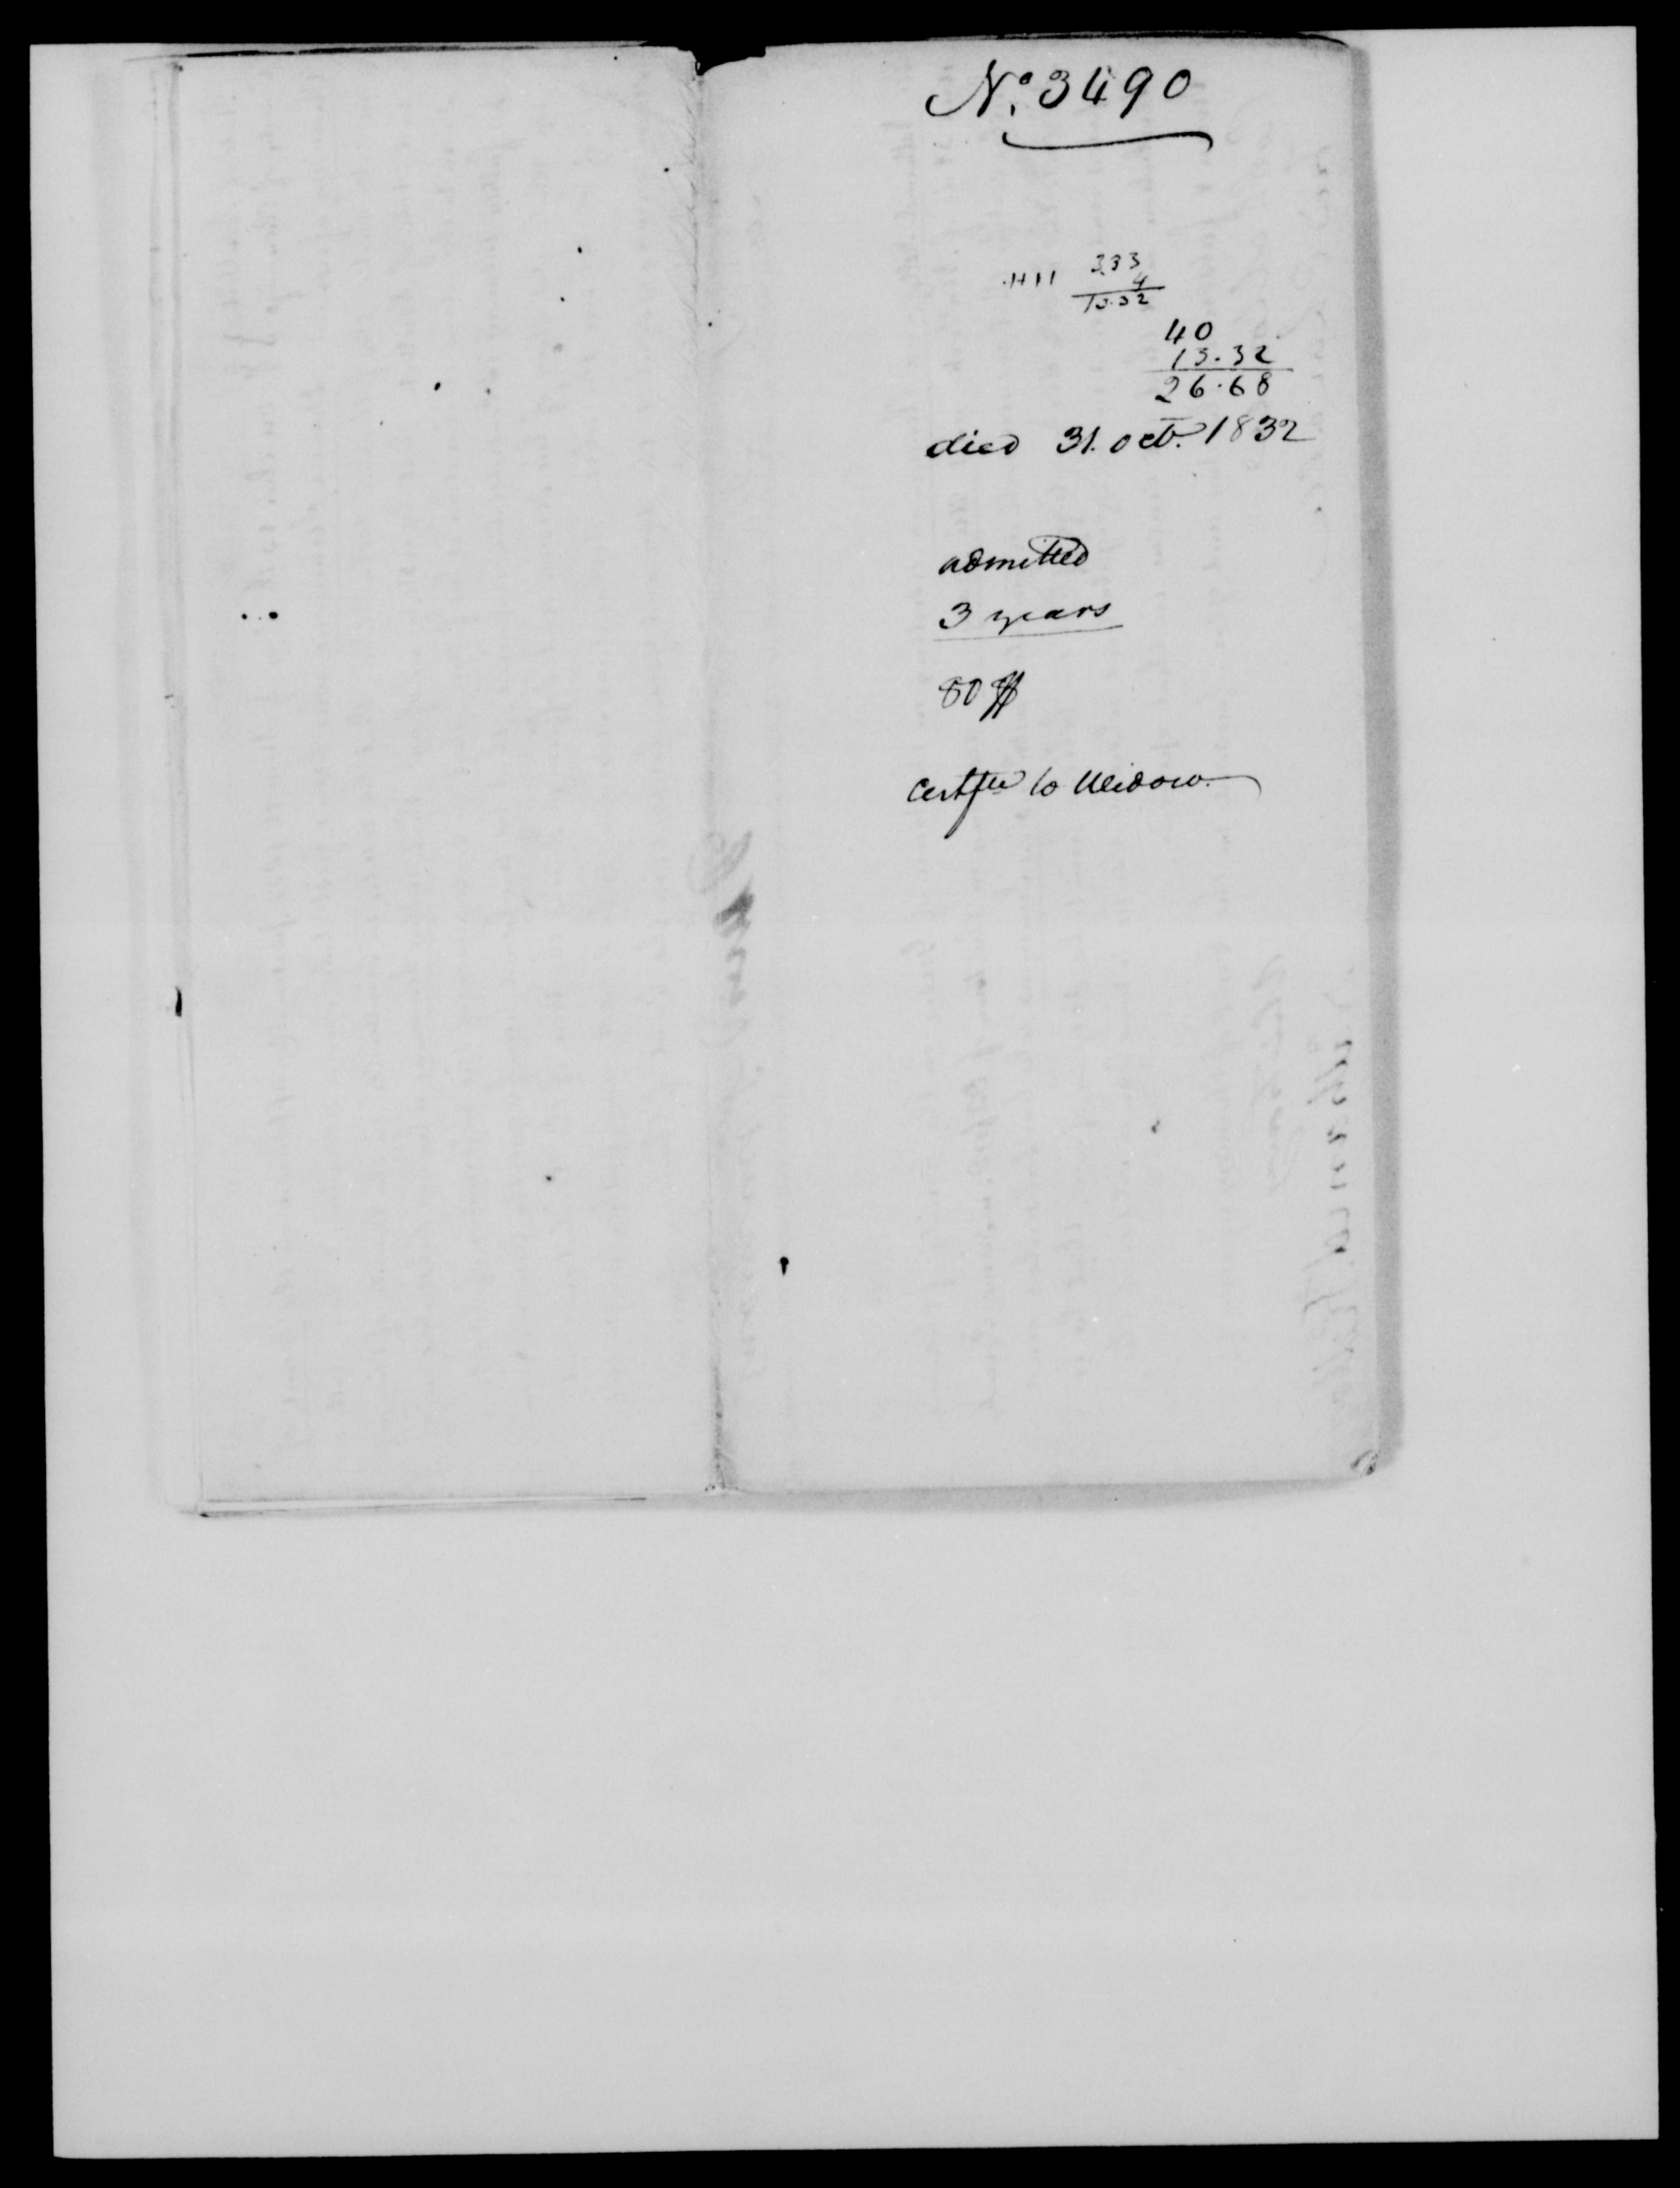N. 54090

4411      333
                  4
              12.32
40
13.32
2668

died 31. Oct. 1832

admitted
3 years
80$
certify to widow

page: 3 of 29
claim: widow's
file: W. 19,032, for Ensley Simmons, New York